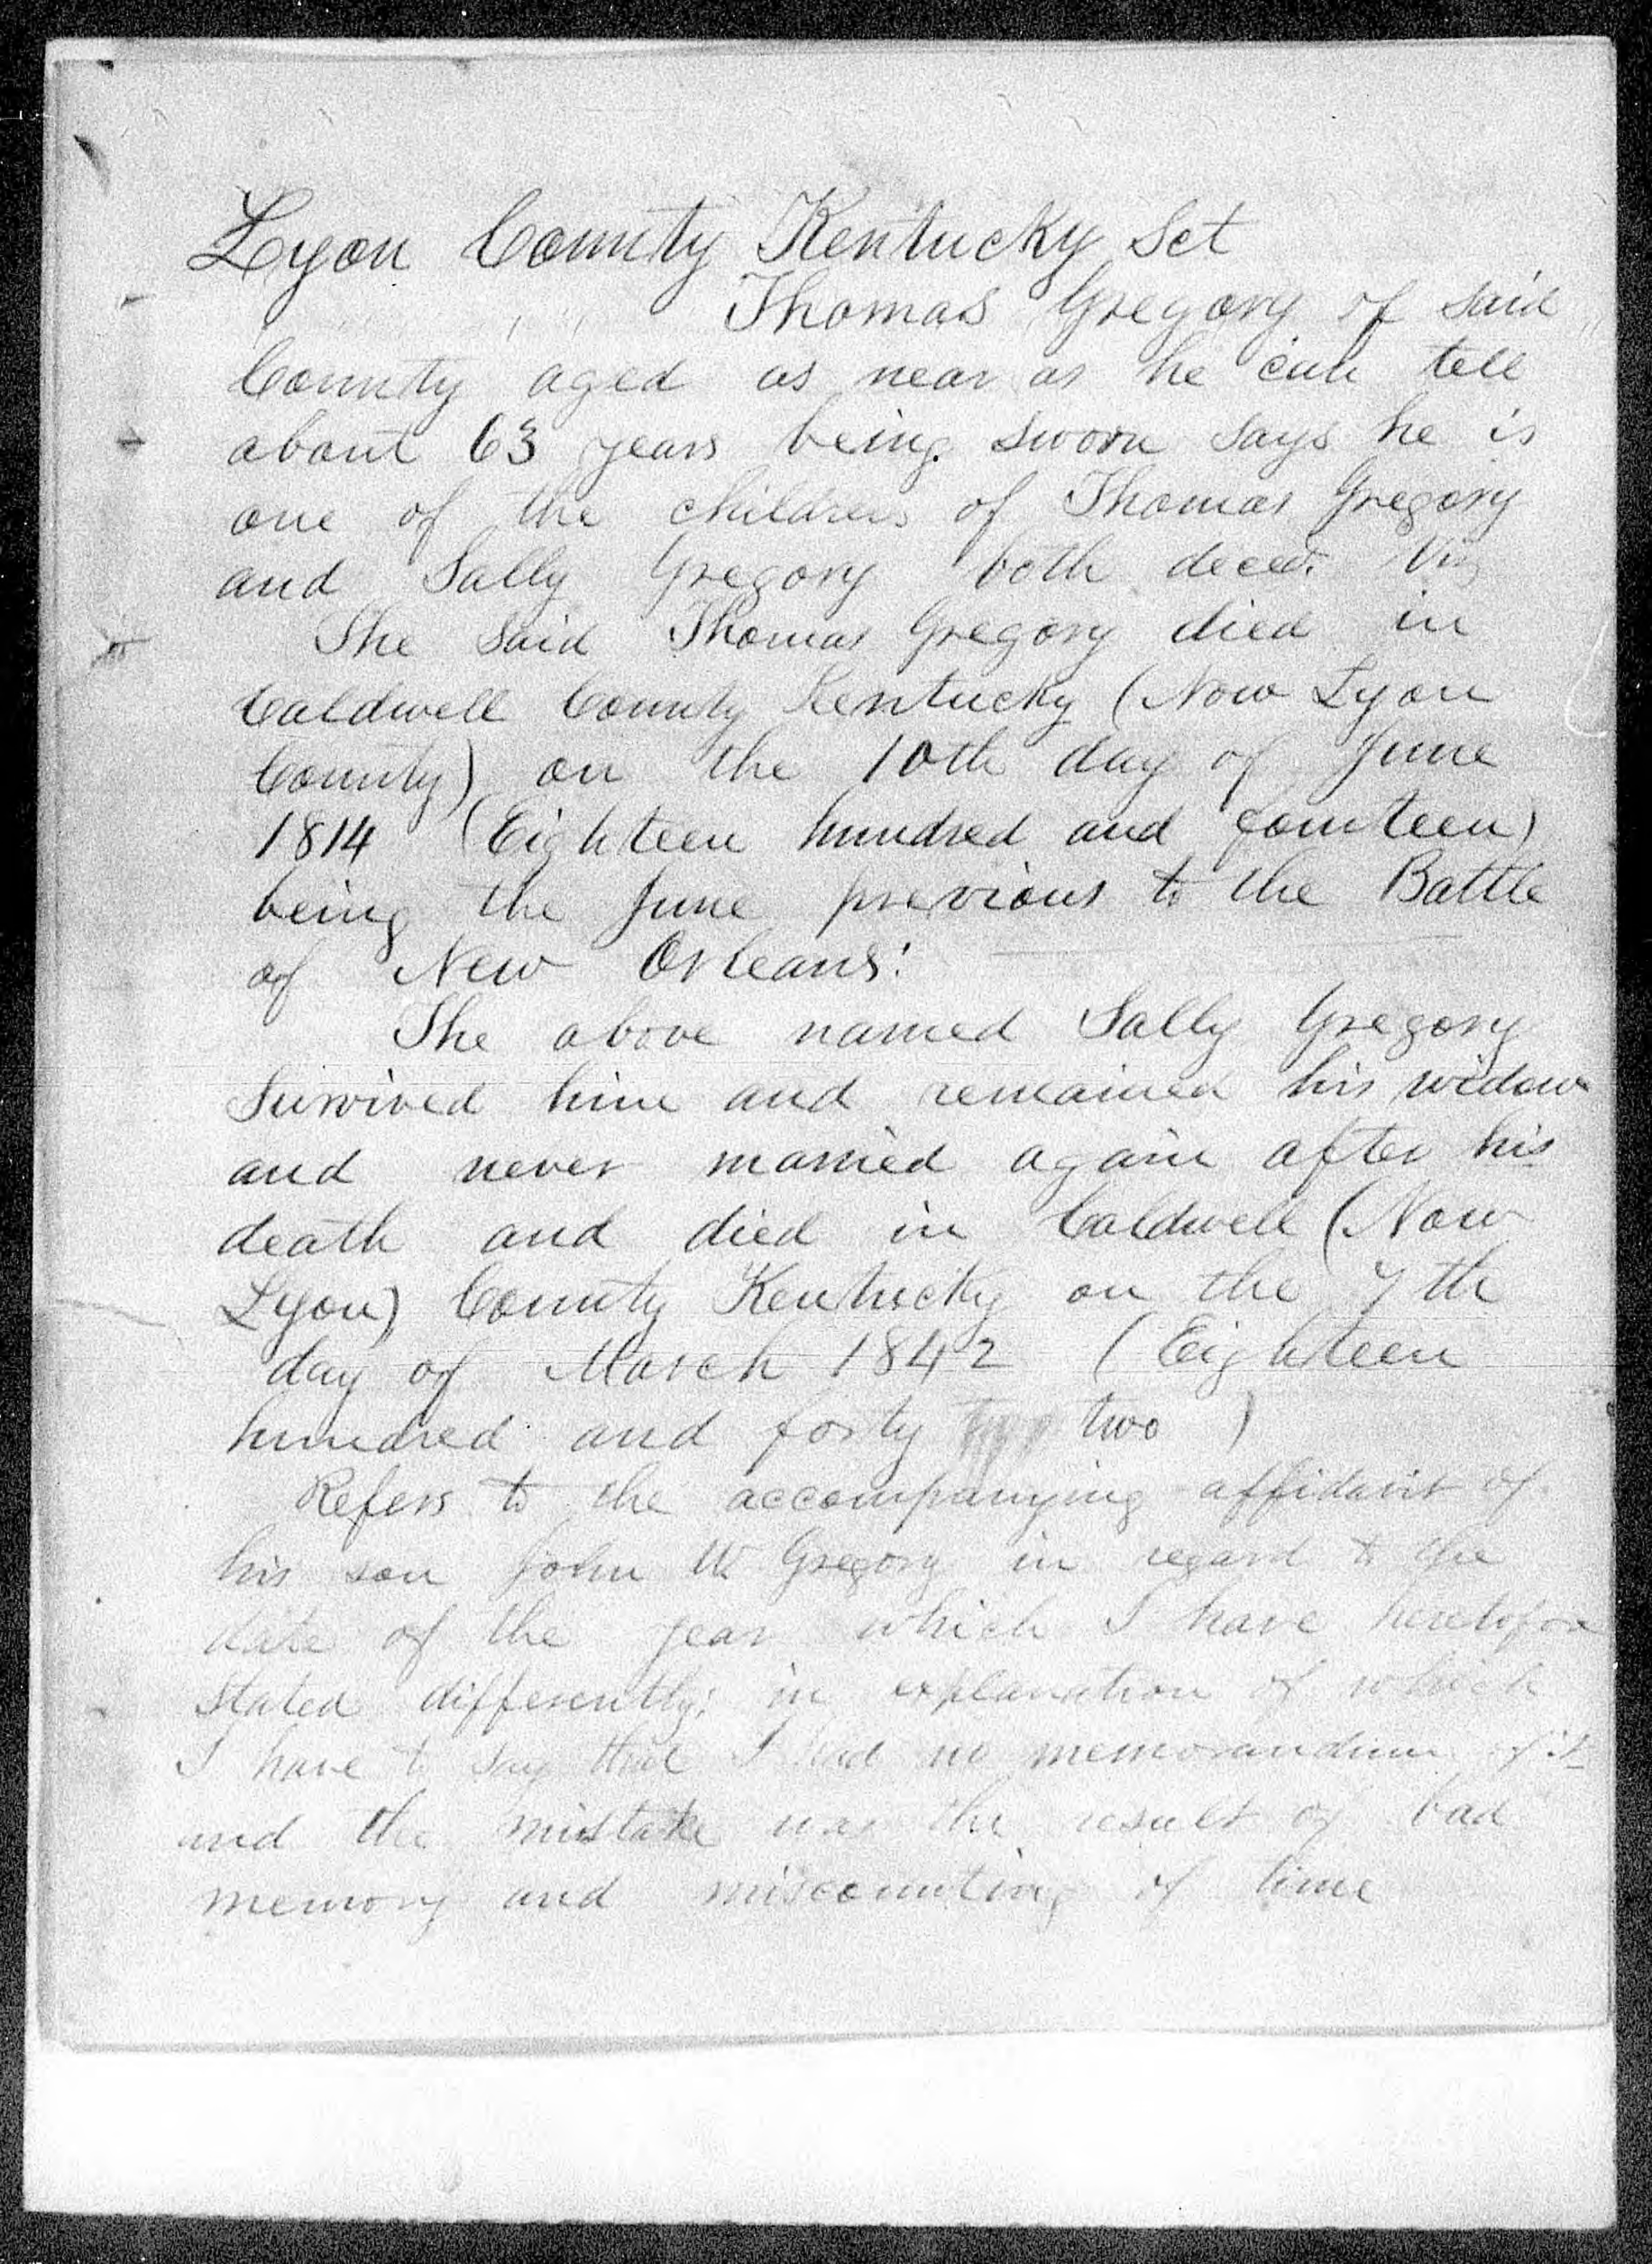Lyon County Kentucky Sct
Thomas Gregory of said County aged as near as he can tell about 63 years being sworn says he is one of the children of Thomas Gregory and Sally Gregory both dec'd viz
The Said Thomas Gregory died in Caldwell County Kentucky (Now Lyon County) on the 10th day of June 1814 (Eighteen hundred and fourteen) being the June previous to the Battle of New Orleans:
The above named Sally Gregory Survived him and remained his widow and never married again after his death and died in Caldwell (Now Lyon) County Kentucky on the 7th day of March 1842 (Eighteen hundred and forty two)
Refers to the accompanying affidavit of his son John W. Gregory in regard to the date of the year which I have heretofore stated differently; in explanation of which I have to say that I had no memorandum of it and the mistake was the result of bad memory and miscounting of time.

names: Thomas Gregory, Sally Gregory, John W Gregory, Thomas Gregory, Thomas Gregory, Sally Gregory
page: 53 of 75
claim: widow's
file: W. 8876, Thomas Gregory, Continental Va